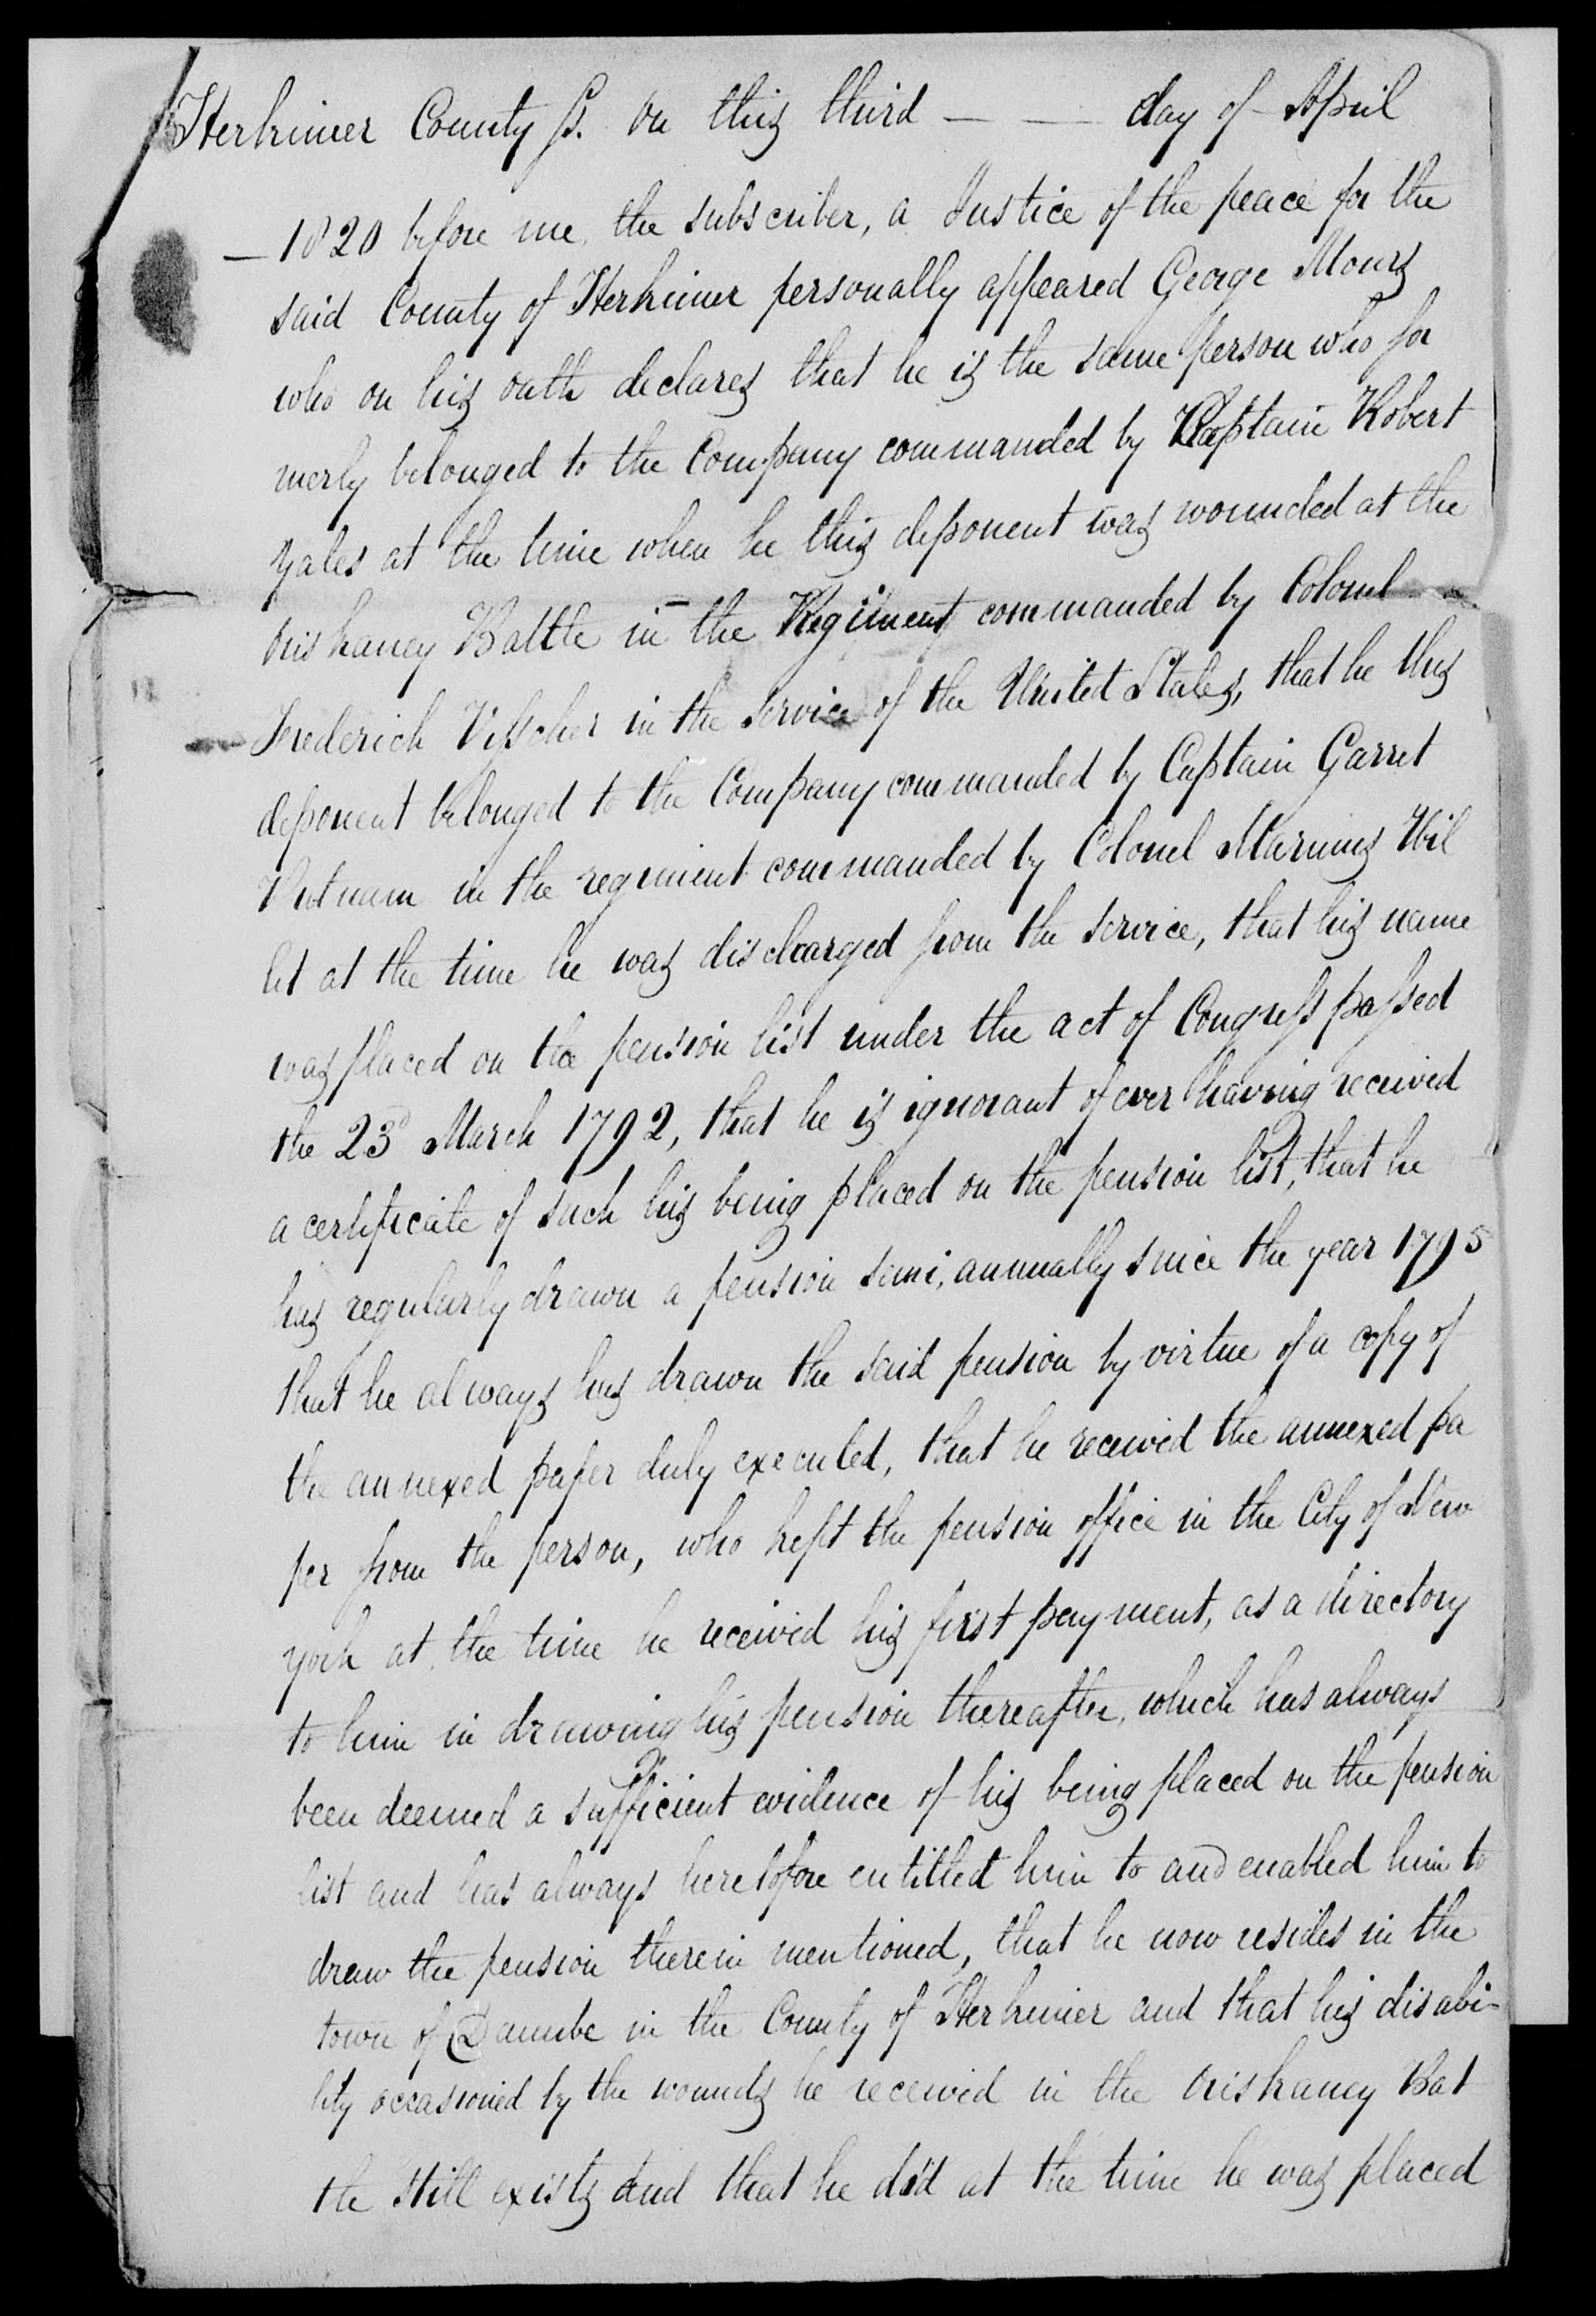Herkimer County ss: On this third __ day of April __ 1820 before me, the subscriber, a Justice of the peace for the said County of Herkimer personally appeared George Mour who on his oath declares that he is the same person who formerly belonged to the Company commanded by Captain Robert Yates at the time where he this deponent was wounded at the Oriskaney Battle in the Regiment commanded by Colonel Frederich Visscher in the Service of the United States, that he the deponent belonged to the Company commanded by Captain Garret Putnam in the regiment commanded by Colonel Marinus Willet at the time he was discharged from the service, that his name was placed on the pension list under the act of Congress passed the 23rd March 1792, that he is ignorant of ever having received a certificate of such his being placed on the pension list, that he has regularly drawn a pension semi annually since the year 1795 that he always has drawn the said pension by virtue of a copy of the annexed paper duly executed, that he received the annexed paper from the person, who kept the pension office in the City of New York at the time he received his first payment, as a directory to him in drawing his pension thereafter, which has always been deemed a sufficient evidence of his being placed on the pension list and has always heretofore entitled him to and enabled him to draw the pension therein mentioned, that he now resides in the town of Danube in the County of Herkimer and that by disability occasioned by the wounds he received in the Oriskaney Battle still exists and that he did at the time he was placed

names: George Mours; Marinus Willet; Garret Putnam; Robert Yates; Frederick Visscher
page: 8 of 11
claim: survivor's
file: S. 27,210, for George Mour, New York